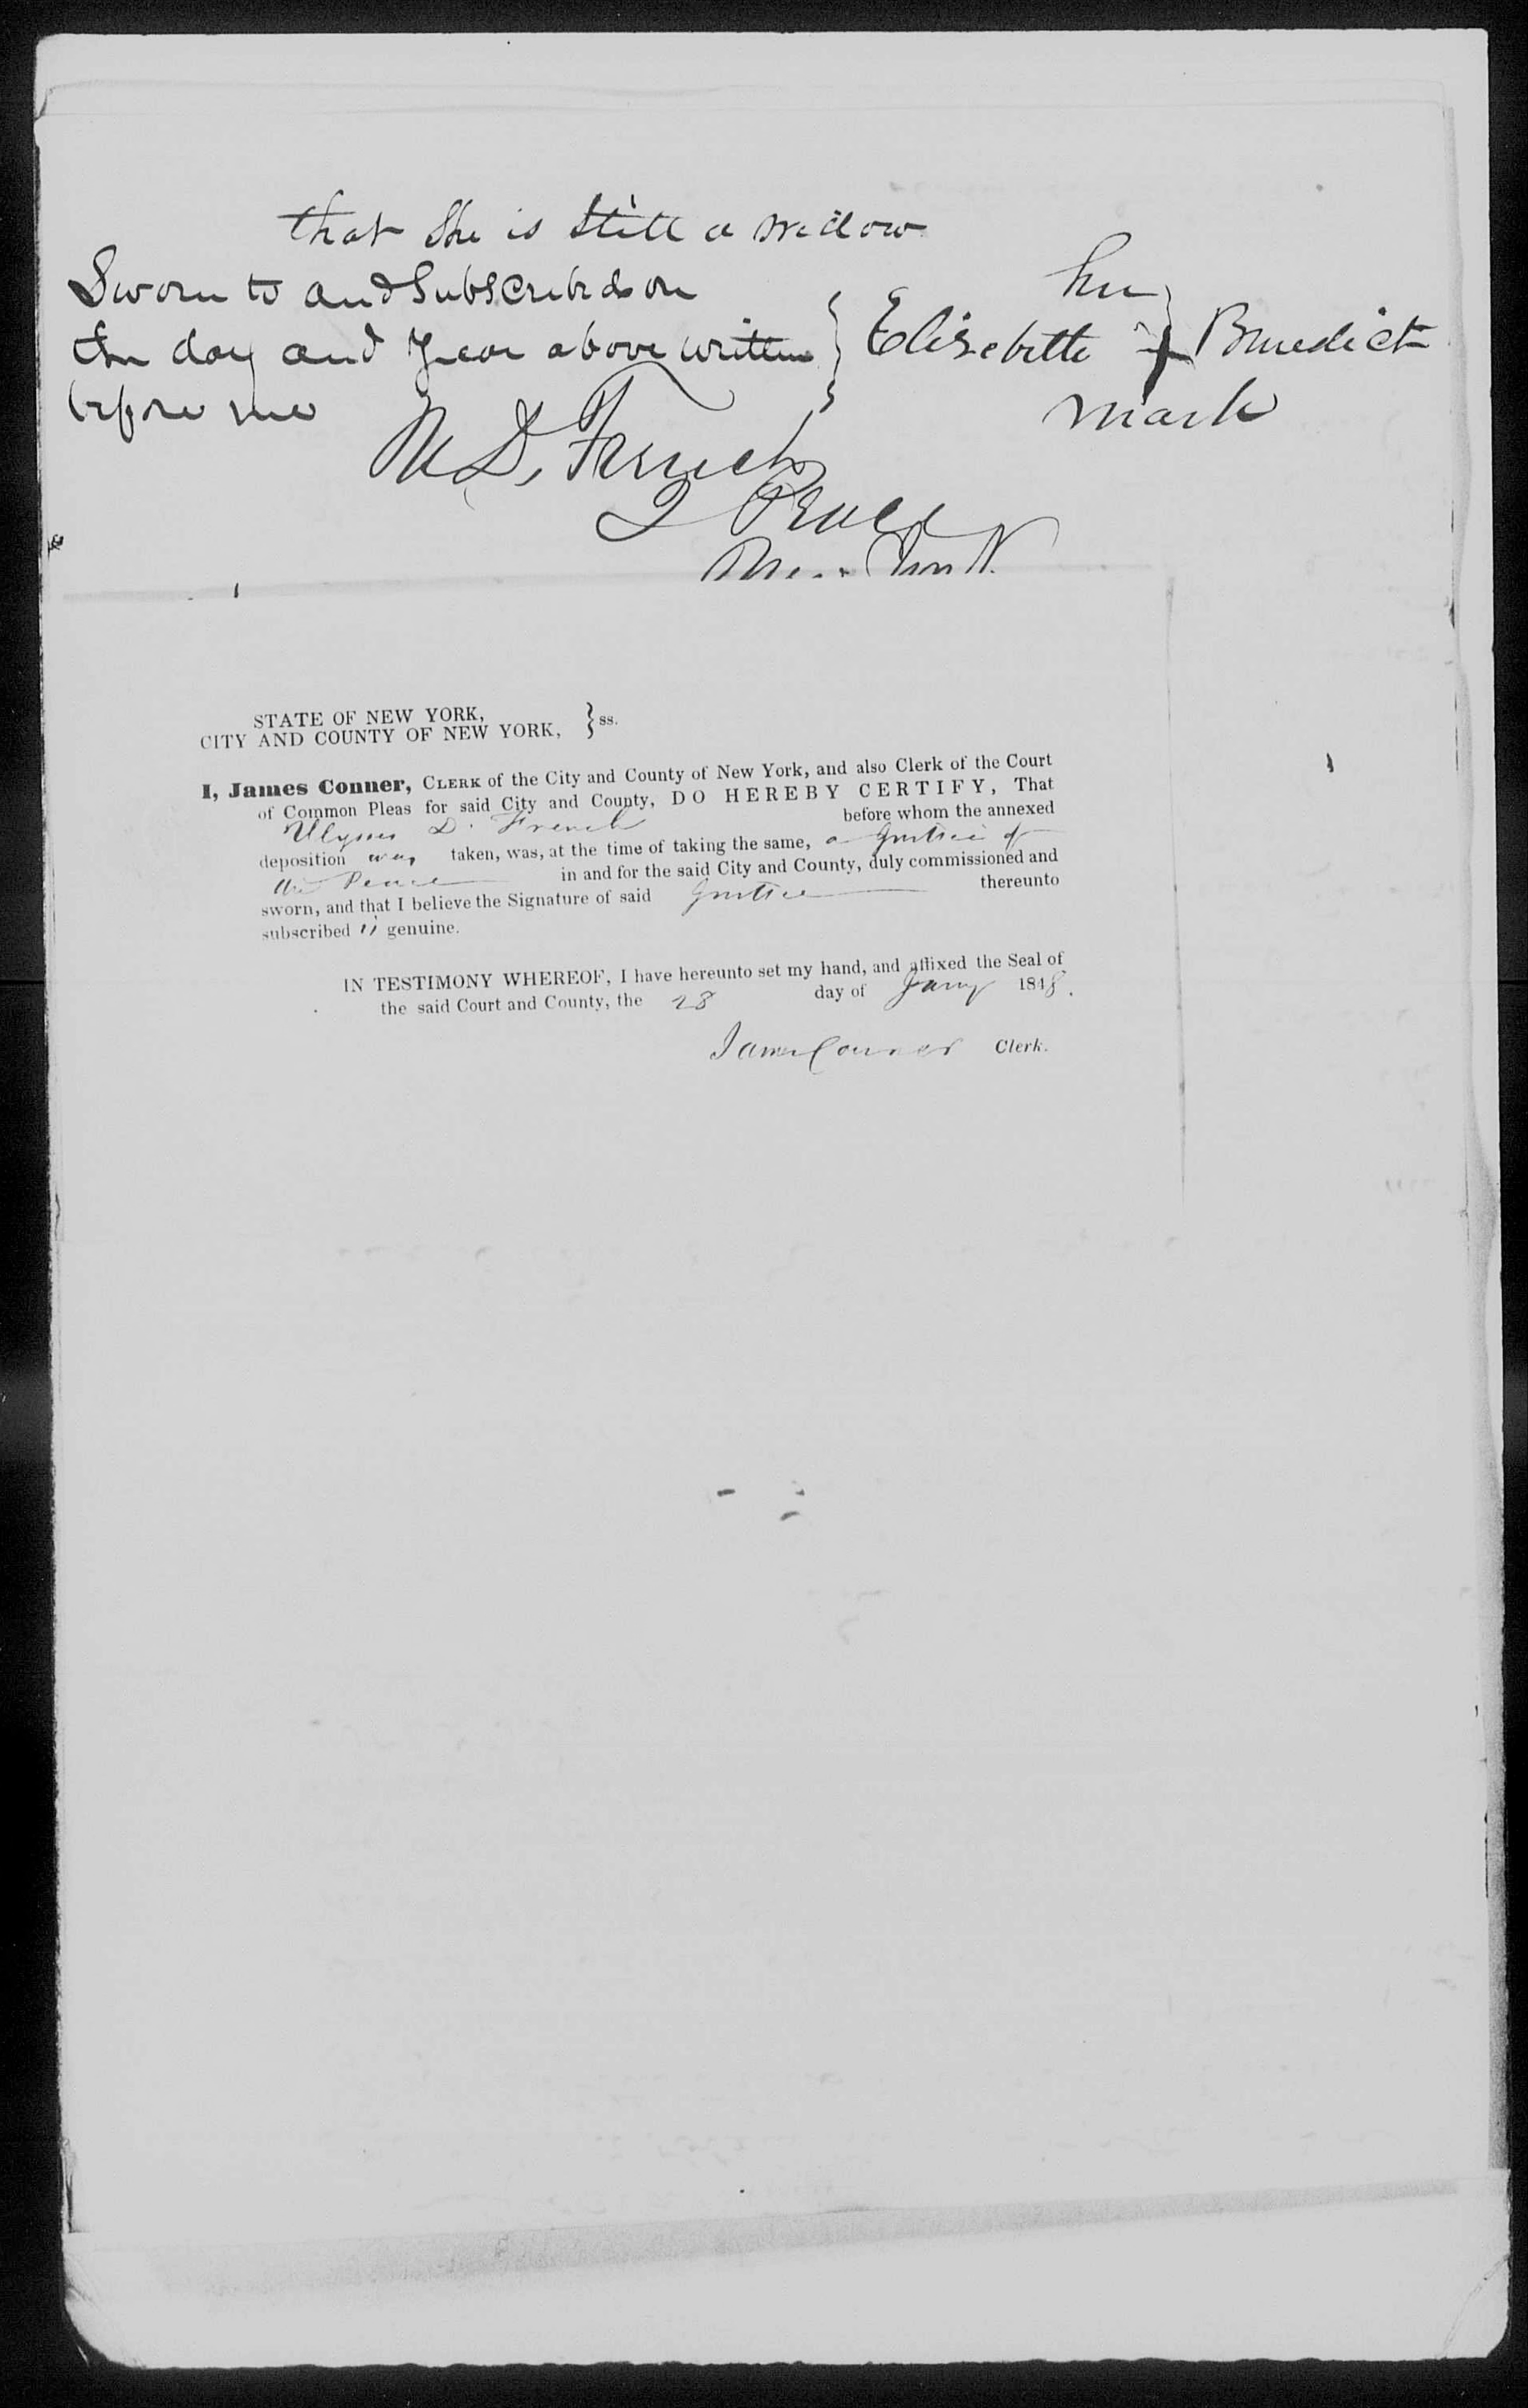that she is still a widow
Sworn to and Subscribed on                                  her
the day and year above written              Elizabeth  X  Benedict
fore me                                                                 mark
                     U. D. French
                           J Peace
                         New York

         STATE OF NEW YORK              }
CITY AND COUNTY OF NEW YORK, }  Ss.

I, James Conner, CLERK of the City and County of New York, and also Clerk of the Court
of Common Pleas for said City and County, DO HEREBY CERTIFY, That
Ulysses D. French   before whom the annexed
deposition was taken, was, at the time of taking the same, a Justice of
the Peace  in and for the said City and County, duly commissioned and
sworn, and that I believe the signature of said Justice thereunto
subscribed is genuine.

                IN TESTIMONY WHEREOF, I have hereunto set my hand, and affixed the Seal of
                          the said Court and County, the 28 day of Jany 1818.
                                                       James Conner Clerk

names: James Conner, James Conner, Ulysses D French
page: 47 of 56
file: [ILLEGIBLE], Jonah Benedict, Conn.